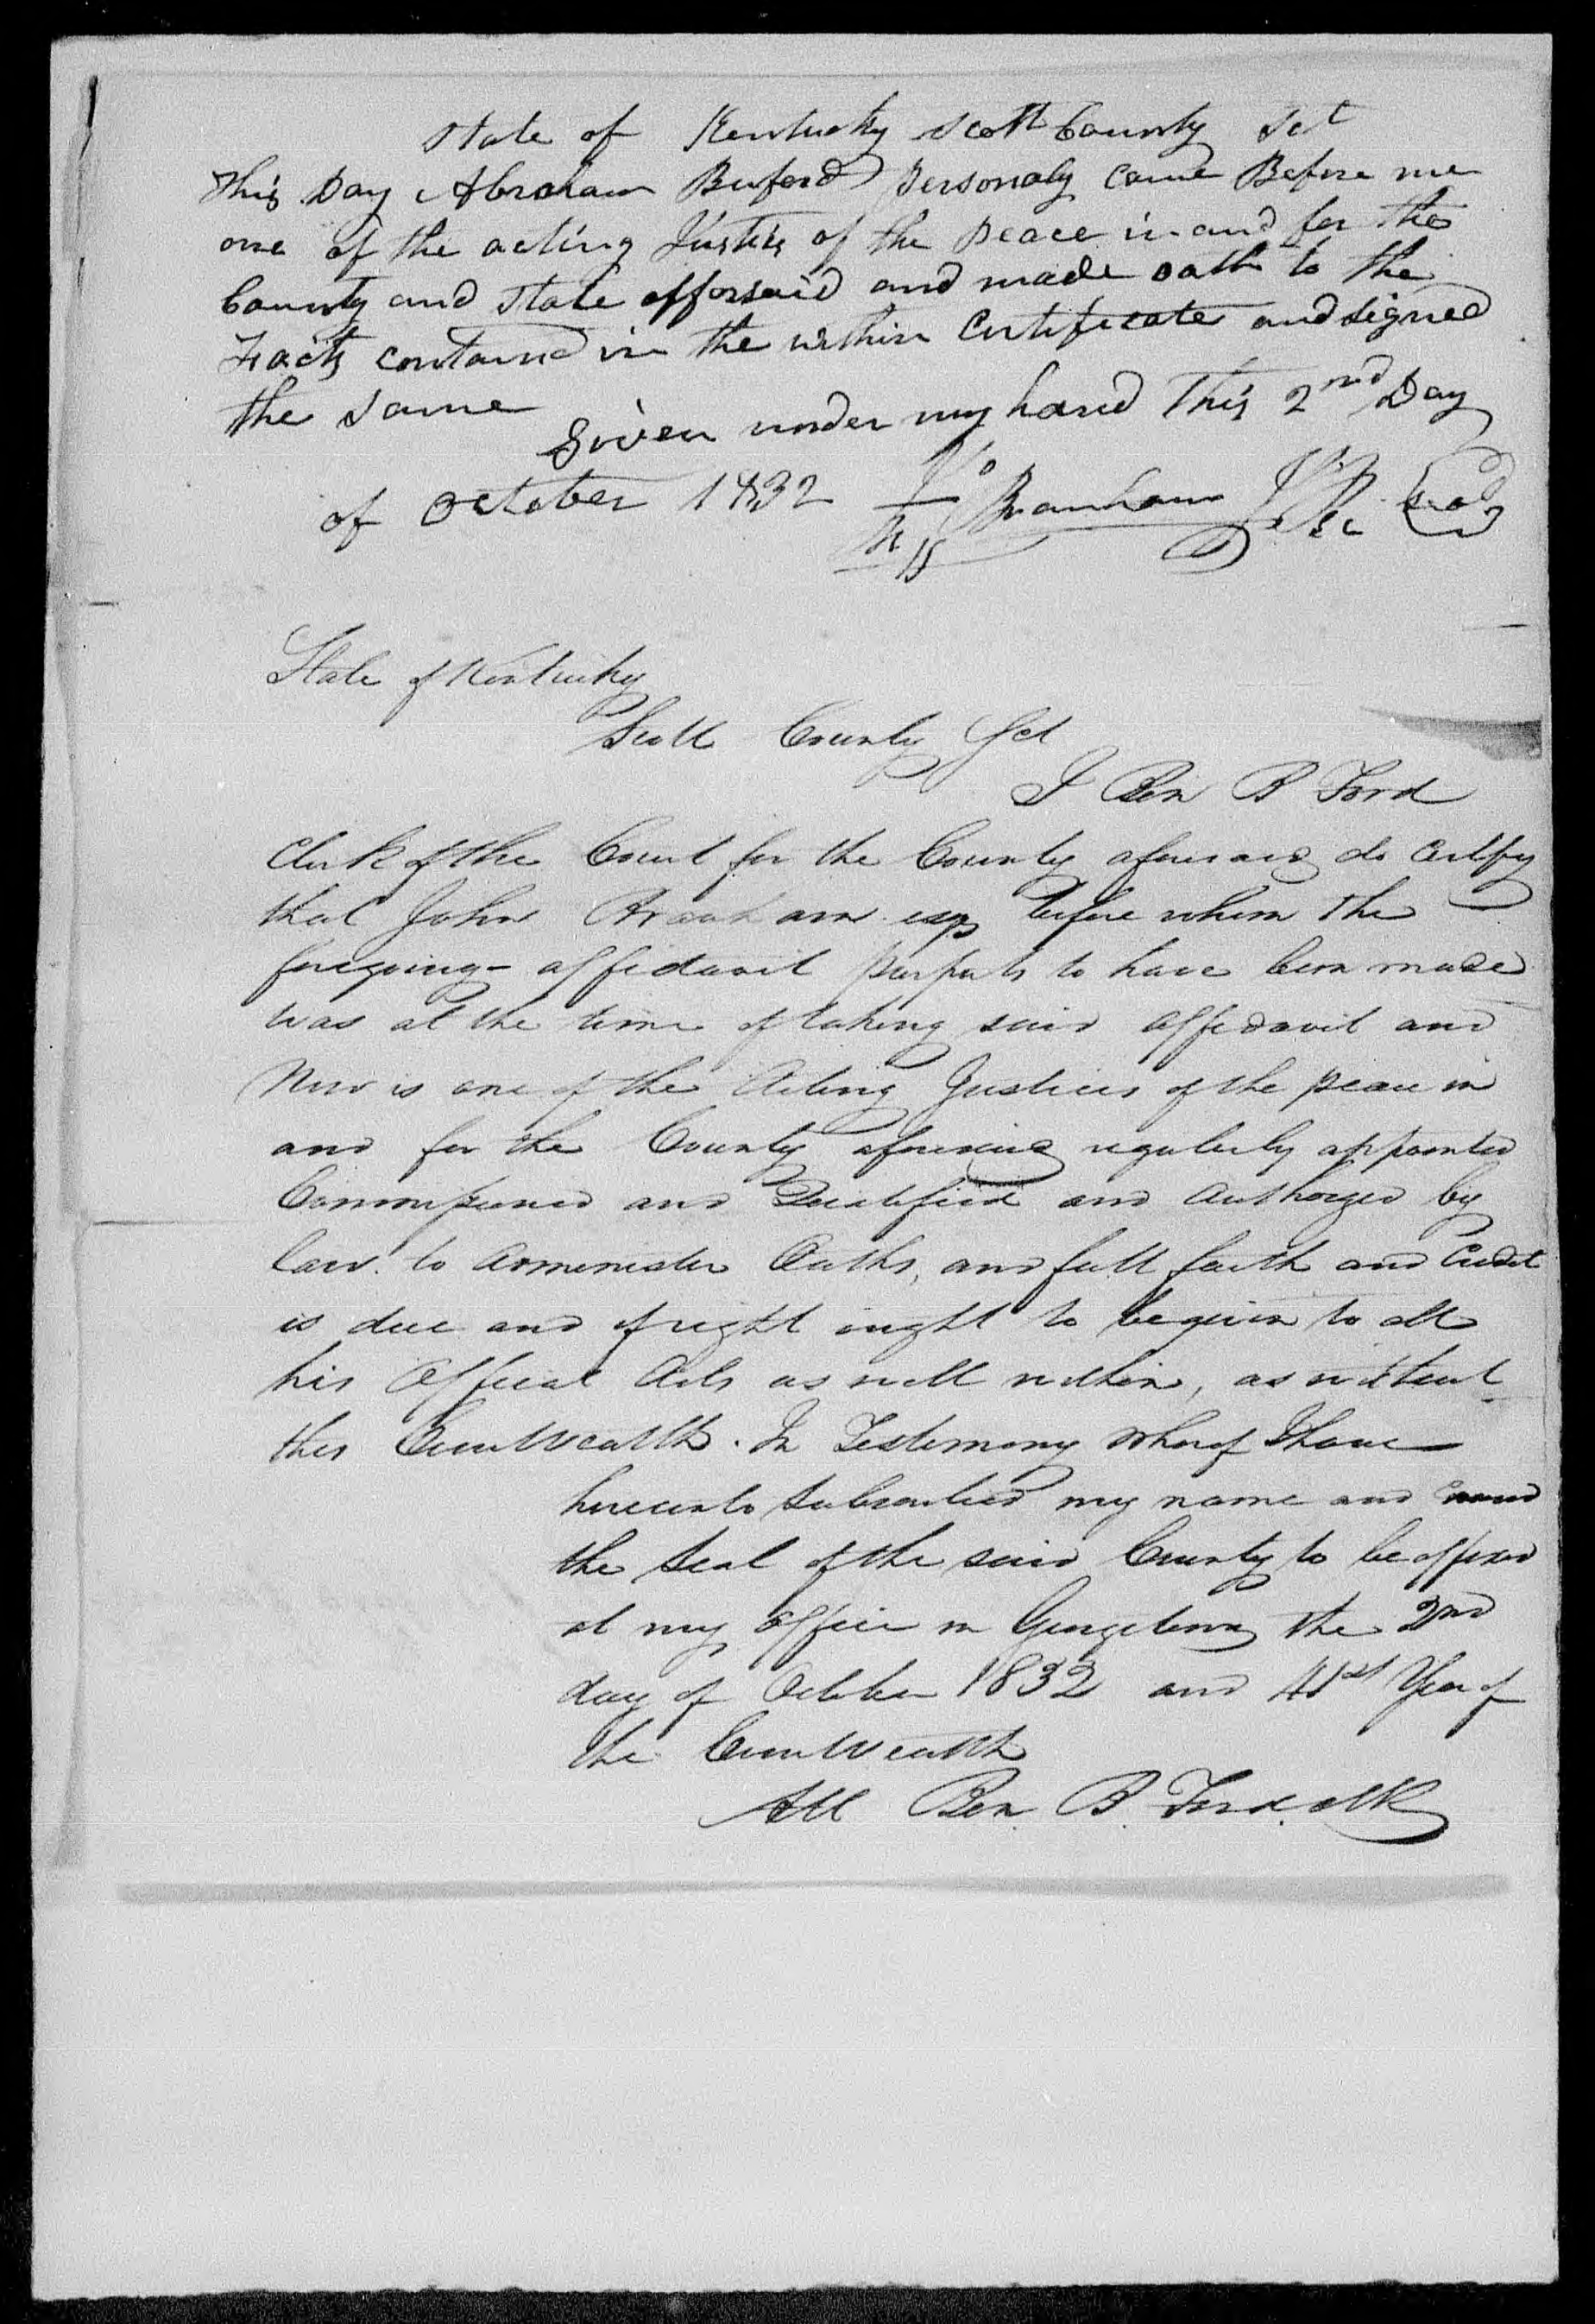State of Kentucky Scott County Sct
This day Abraham Buford personally came before me one of the acting Justices of the peace in and for the County and State aforesaid and made oath to the facts contained in the within certificate and signed
the same 
Given under my hand this 2nd day
of October 1832
John Branham, JP [Justice of the Peace]

State of Kentucky Scott County Sct
I Ben B. Ford Clerk of the Court for the County aforesaid do certify that John Branham Esq before whom the foregoing affidavit purports to have been made was at the time of taking said affidavit and now is one of the Acting Justices of the peace in and for the County aforesaid regularly appointed Commissioned and Qualified and authorized by law to administer Oaths, and full faith and credit is due and of right ought to be given to all
his Official Acts as well within, as without
this Commonwealth. 
In Testimony whereof I have hereunto subscribed my name and and the Seal of the said County to be affixed at my office in Georgetown the 2nd day of October 1832 and 41st year of the Conwealth [Commonwealth]
Att [Attorney]  Ben B Ford clk ]clerk]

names: Ben B Ford, Jno Branham, John Branham, Abraham Buford, Ben B Ford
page: 22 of 46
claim: widow's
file: W 8619, Jonathan Cowherd, Va.